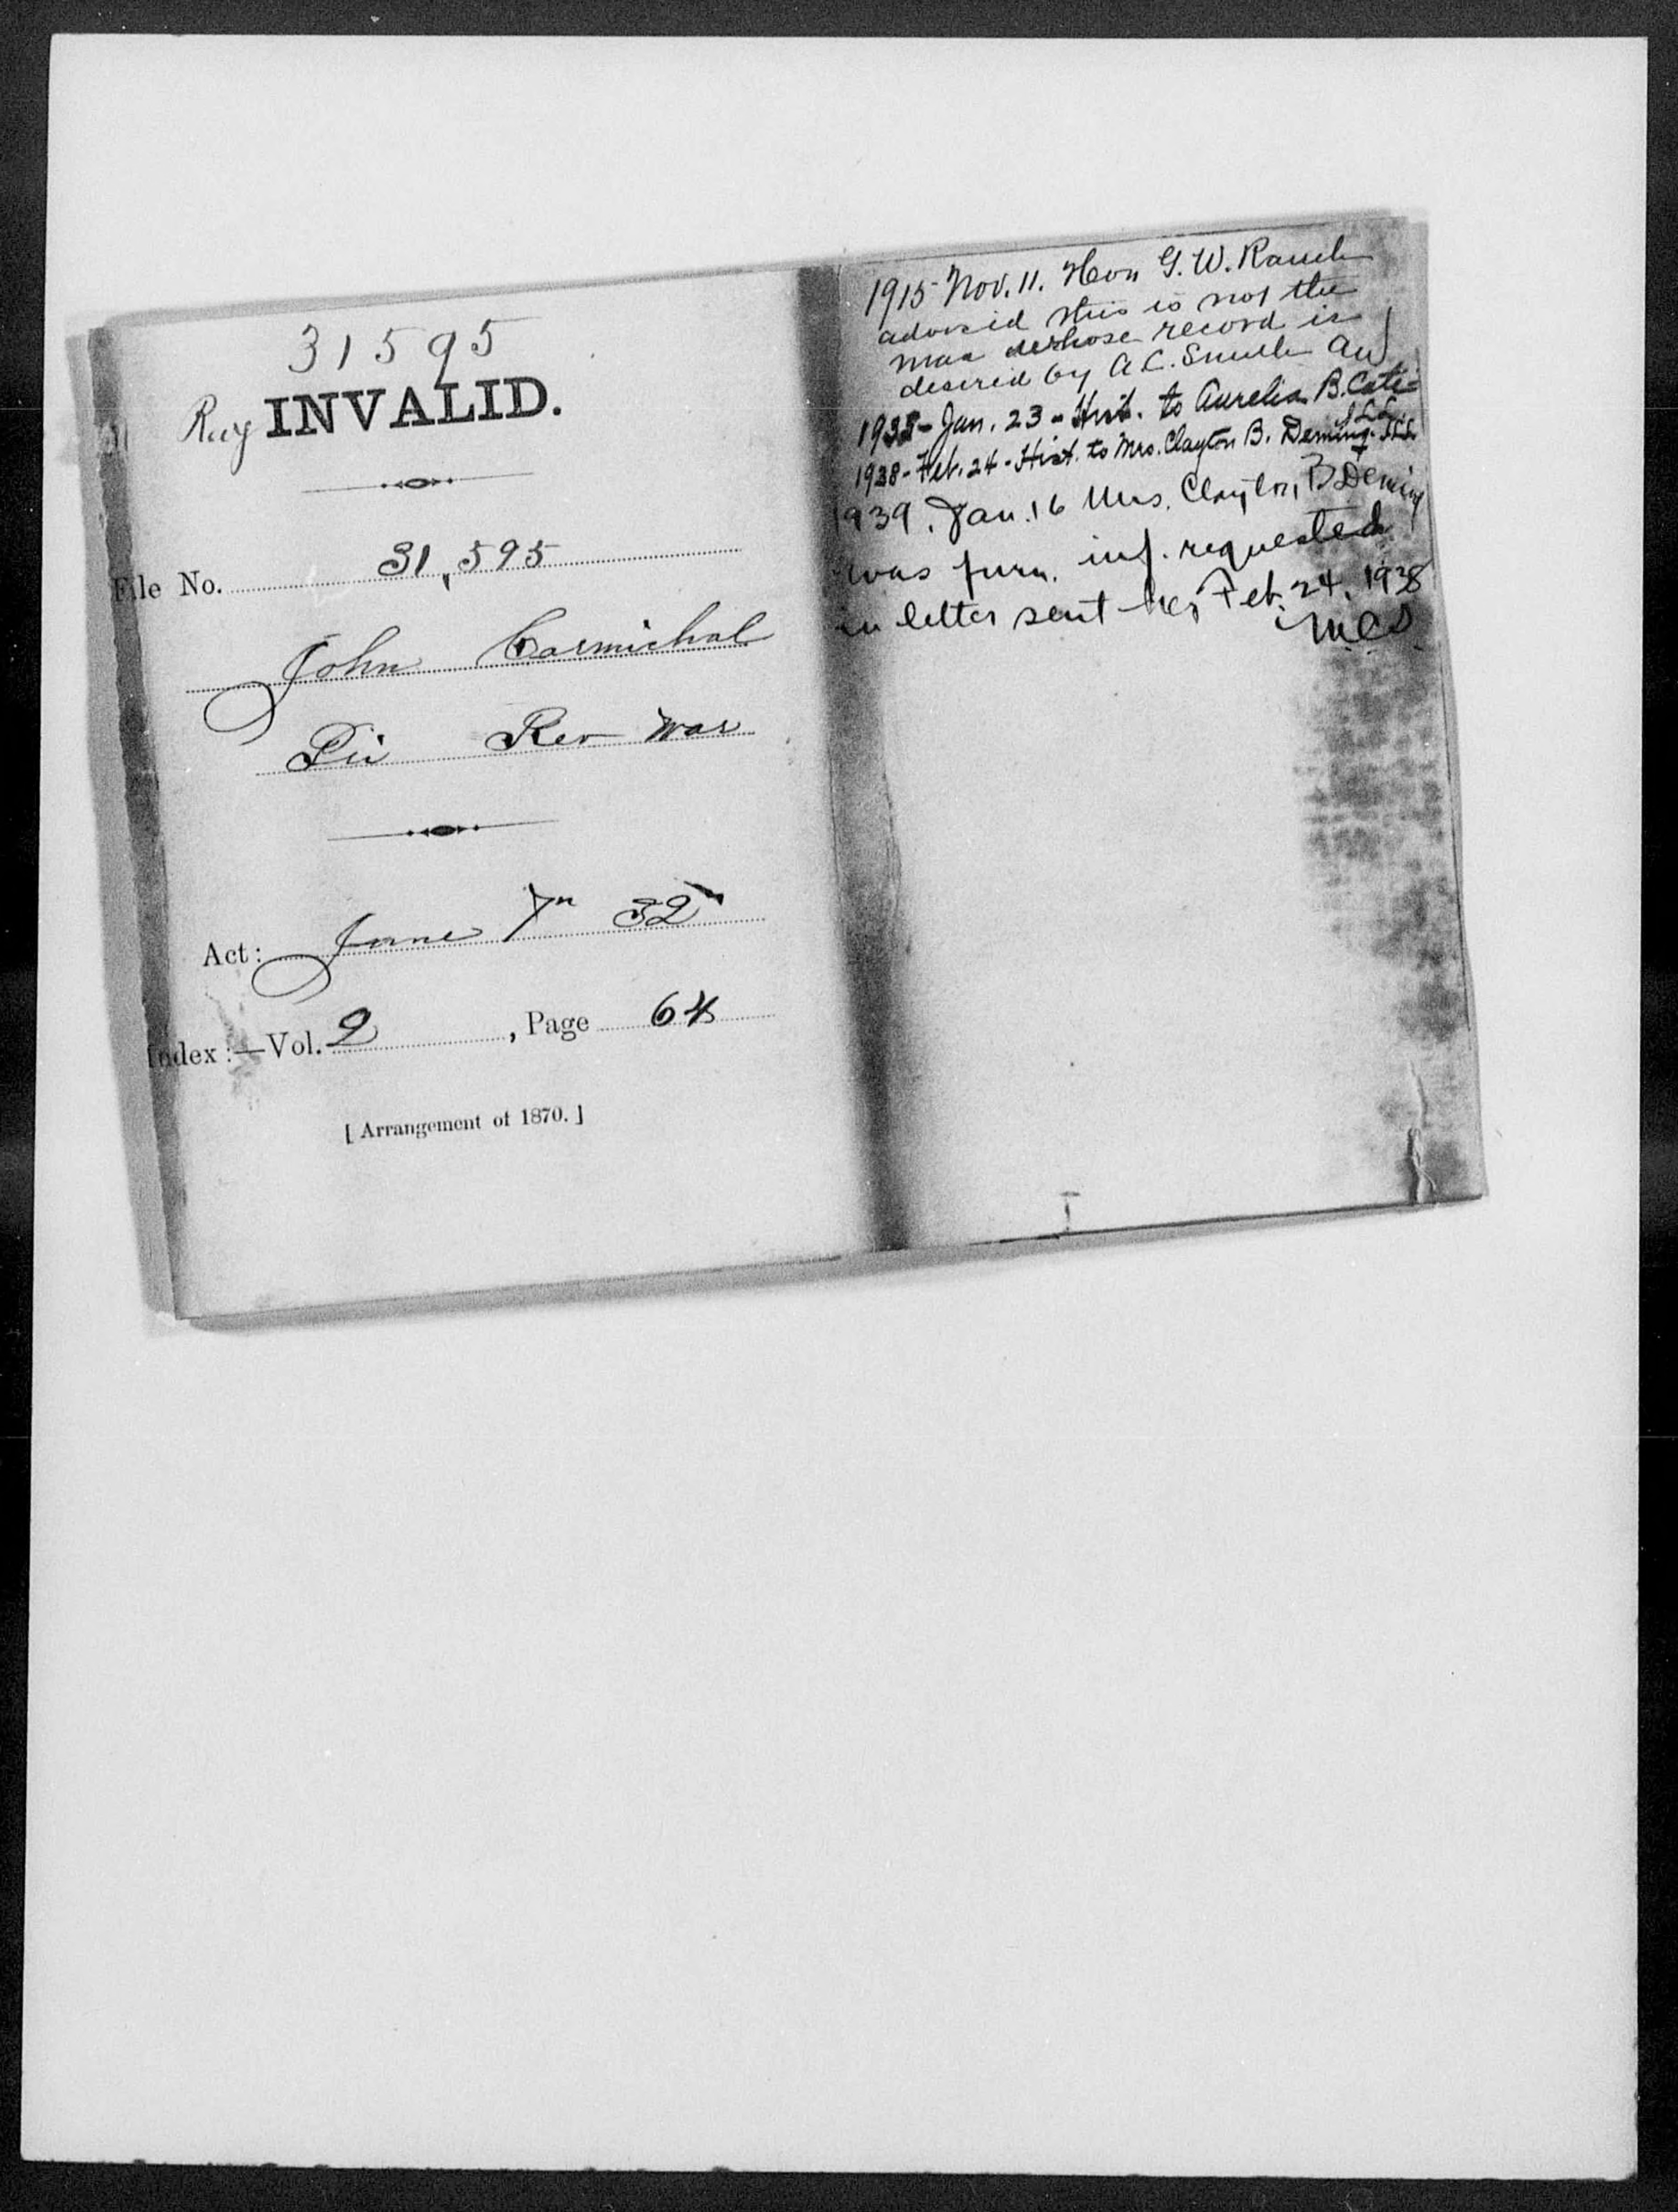[Left Side]
31595
Reg Invalid.
File No. 31,595
John Carmichal
Pvt Rev War

Act: June 7, 32
Index: - Vol 2, Page 64
[Arrangement of 1870.]

[Right side handwritten]
1915-Nov. 11 When G.W. Rauch advised this is not the man whose record is desired by A.C. Smith. A.W
1932-Jan. 23 Hist to Aurelia B. Catis ILL
1938-Feb 24 Hist to Mrs. Clayton B. Deming ILL
1939. Jan. 16 Mrs. Clayton B Deming was furn inf requested in letter sent her Feb 24, 1938
MCS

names: Clayton B Deming, Aurelia B Cate, John Carmichal, A C Smith, Clayton B Deming, G W Rauch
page: 11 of 42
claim: survivor's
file: S. 31,595, John Carmickele, Penn.